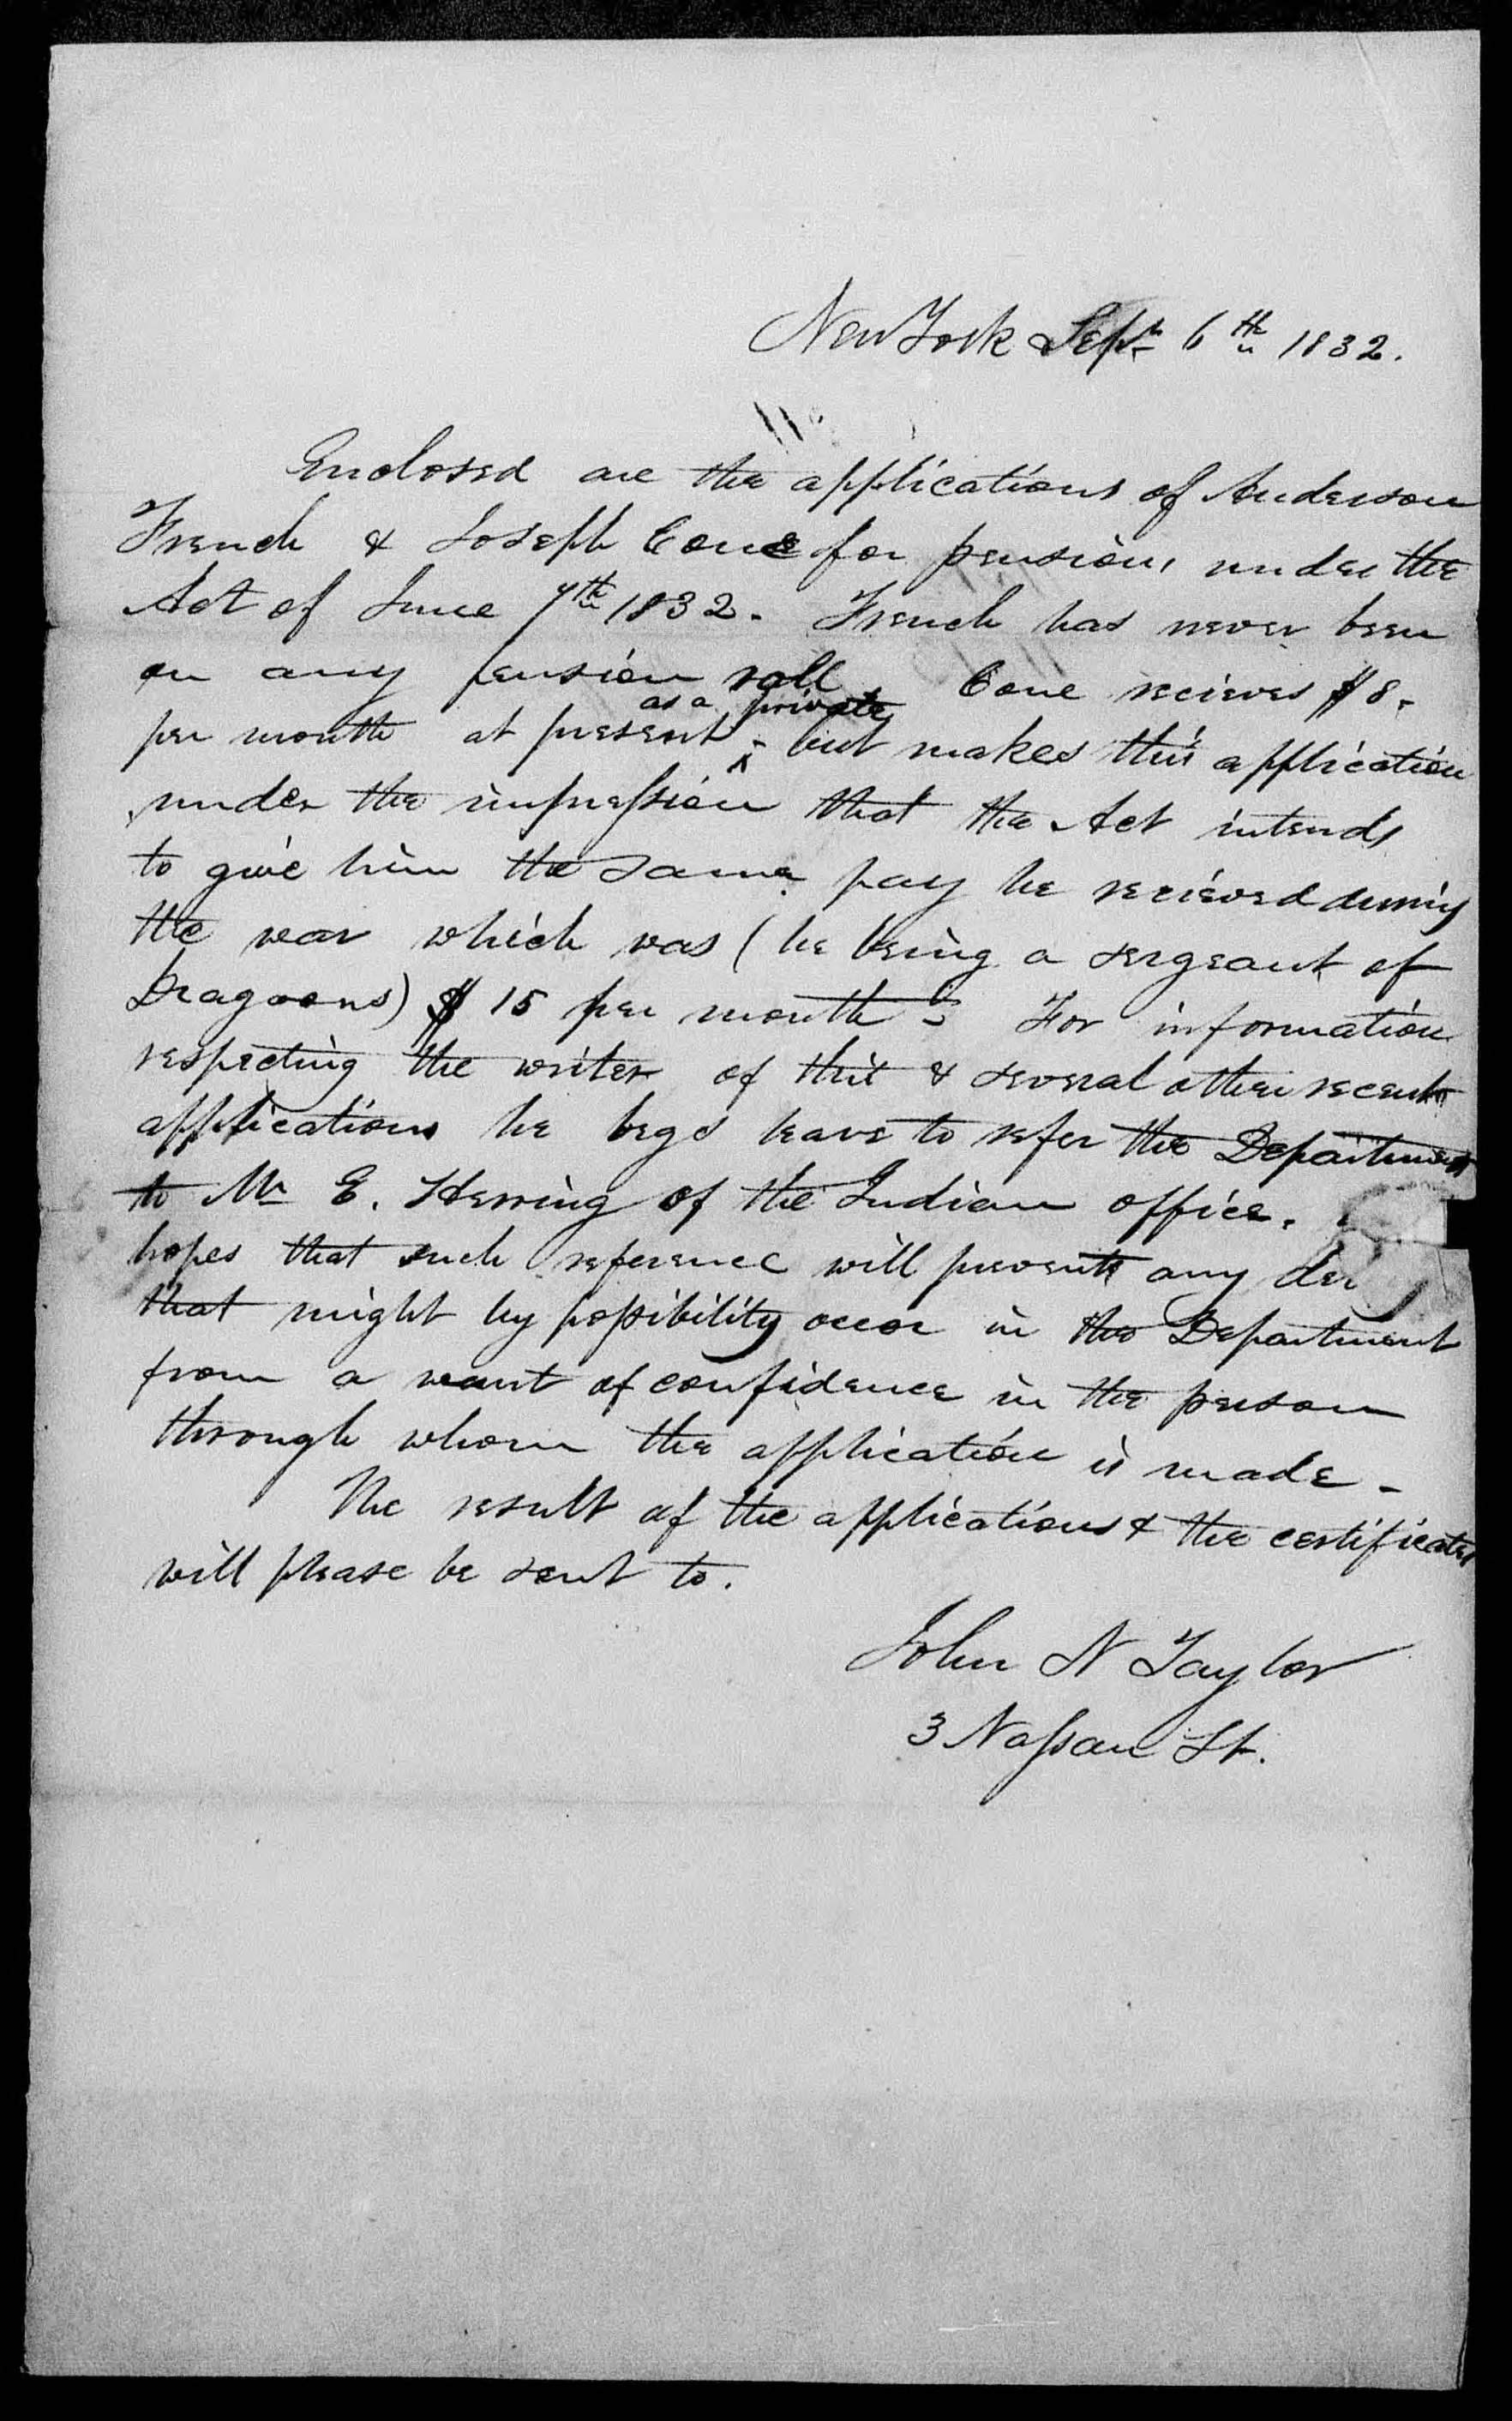New York Sept 6th 1832.

Enclosed are the applications of Anderson French & Joseph Cone for pensions under the Act of June 7th 1832. French had never been on any pension roll Cone received $8 per month at present ^as a private but makes this application under the impression that the Act intends to give him the same pay he received during the war which was (he being a sergeant of Dragoons) $15 per month - For information respecting the writer of this & several other recent applications he begs leave to refer the Department to Mr. E. Herring of the Indian office. hopes that such reference will prevent any [illegible] that might by possibility occur in the Department from a want of confidence in the person through whom the application is made -
The result of the applications & the certificates will please be sent to.
John N Taylor
3 Nassau St.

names: French, John N Taylor, Anderson French, E Herring, Joseph Cone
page: 24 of 28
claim: survivor's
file: S. 12569, Joseph Cone, Conn Continental